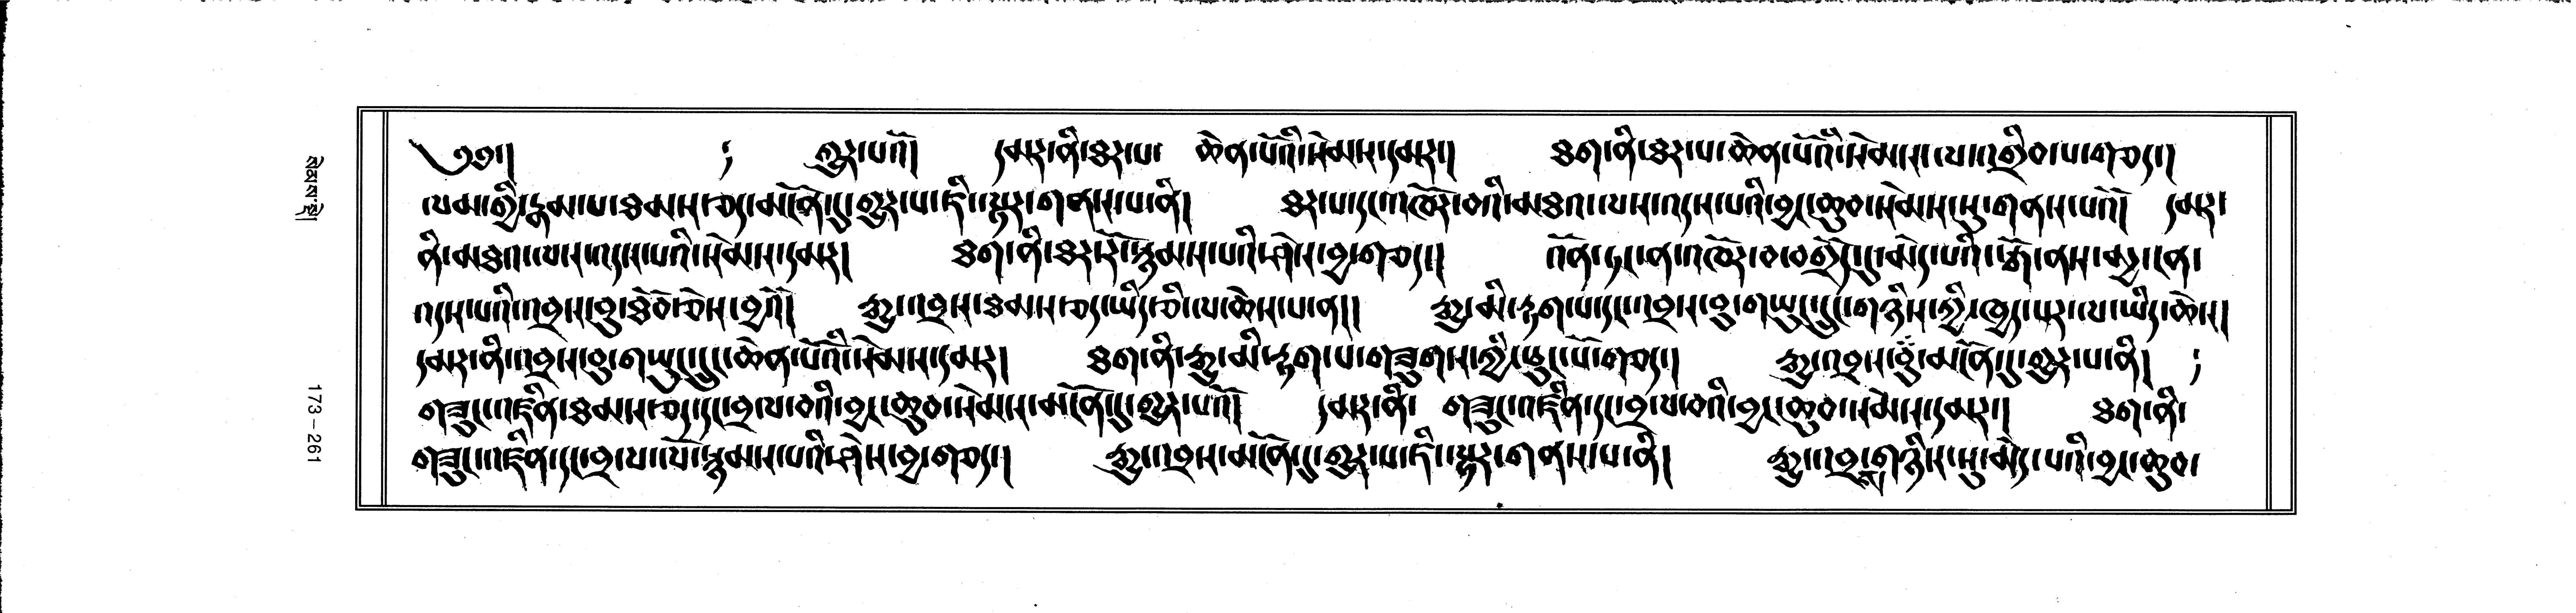གྱུར་པའོ། །དམར་ནི་ཐར་པ་ཆེན་པོའི་སེམས་དམར། ཐག་ནི་ཐར་པ་ཆེན་པོའི་སེམས་ལ་འགྲིབ་པ་གཅད། 
ལམ་གྱི་རྣམ་པ་ཐམས་ཅད་མངོན་དུ་གྱུར་པ་ཇི་ལྟར་གནས་པ་ནི། ཐར་པ་དང་འཁོར་བའི་མཐའ་ལས་འདས་པའི་བྱང་ཆུབ་སེམས་སུ་གནས་པའོ། །དམར་
ནི་མཐའ་ལས་འདས་པའི་སེམས་དམར། ཐག་ནི་ཐར་རོ་སྙམ་པའི་ཤེས་བྱ་གཅད། འོན་ཏང་ན་འཁོར་བ་བགྲོད་དུ་མེད་པའི་སྒོ་ནས་མྱ་ངན་
འདས་པའི་འབྲས་བུ་ཐོབ་ཅེས་བྱའོ། །རྒྱུ་འབྲས་ཐམས་ཅད་ཡིད་ཅི་ལ་ཆེས་པ་ན། རྒྱུ་མི་རྟག་པ་དང་འབྲས་བུ་གཡུང་དྲུང་གཉིས་ཀྱི་ཁྱད་པར་ལ་ཡིད་ཆེས། 
དམར་ནི་འབྲས་བུ་གཡུང་དྲུང་ཆེན་པོའི་སེམས་དམར། ཐག་ནི་རྒྱུ་མི་རྟག་པ་གཟུགས་ཀྱི་ཕུང་པོ་གཅད། རྒྱུ་འབྲས་མངོན་དུ་གྱུར་པ་ནི། 
གཟུང་འཛིན་ཐམས་ཅད་དང་བྲལ་བའི་བྱང་ཆུབ་སེམས་མངོན་དུ་གྱུར་པའོ། །དམར་ནི་གཟུང་འཛིན་དང་བྲལ་བའི་བྱང་ཆུབ་ཀྱི་སེམས་དམར། ཐག་ནི་
གཟུང་འཛིན་དང་བྲལ་ལོ་སྙམ་པའི་ཤེས་བྱ་གཅད། རྒྱུ་འབྲས་མངོན་དུ་གྱུར་པ་ཇི་ལྟར་གནས་པ་ནི། རྒྱུ་འབྲས་གཉིས་སུ་མེད་པའི་བྱང་ཆུབ་